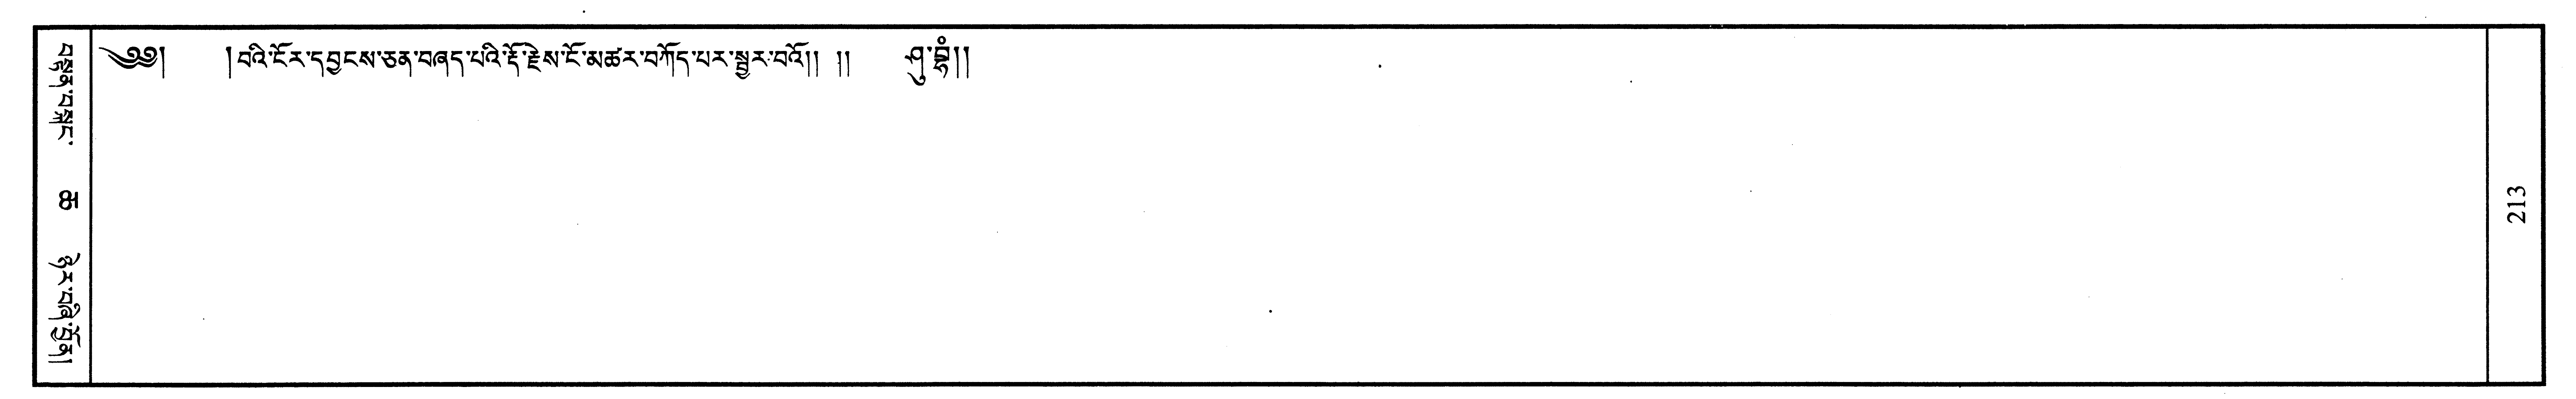༄༅། །བའི་ངོར་དབྱངས་ཅན་བཞད་པའི་རྡོ་རྗེས་ངོ་མཚར་བཀོད་པར་སྦྱར་བའོ།། །།ཤུ་བྷཾ།།